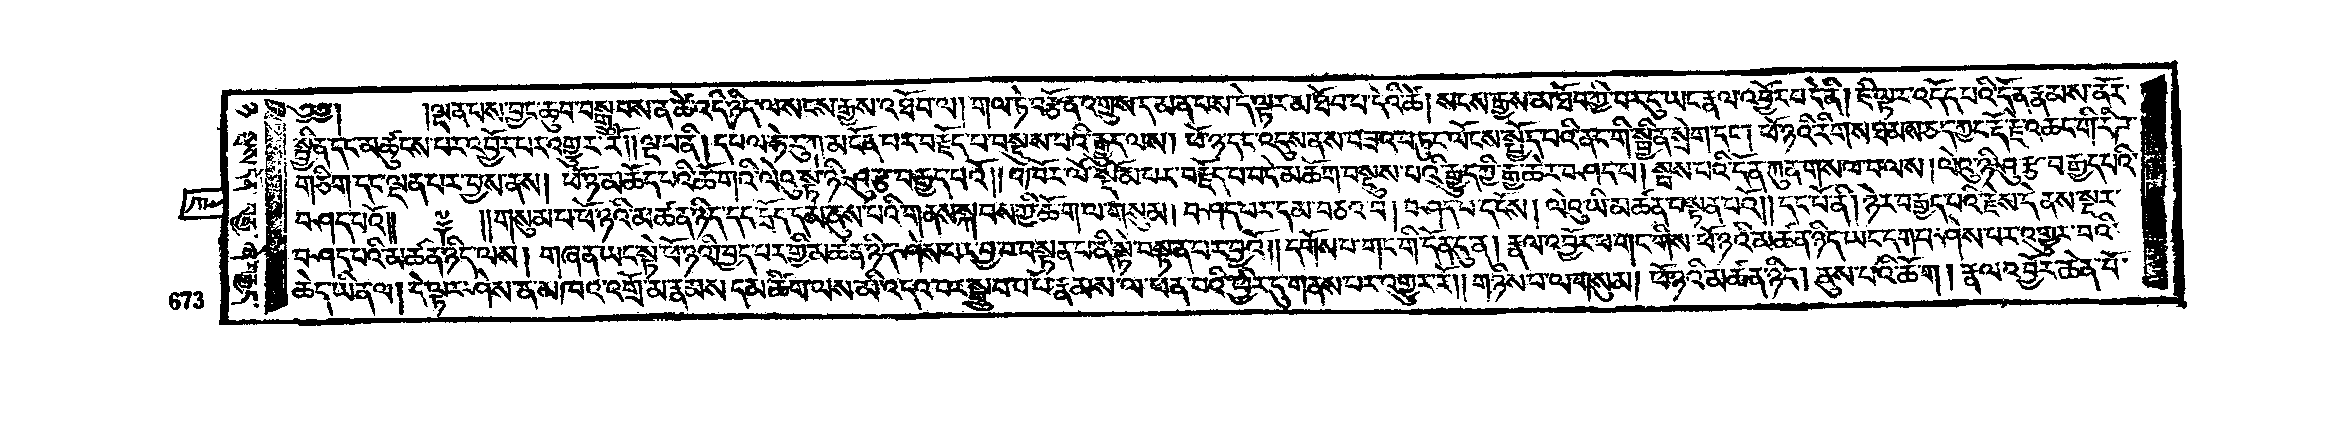༄༅། །ལྡན་པས་བྱང་ཆུབ་བསྒྲུབས་ན་ཚེ་འདི་ཉིད་ལ་སངས་རྒྱས་འཐོབ་ལ། གལ་ཏེ་བརྩོན་འགྲུས་དམན་པས་དེ་ལྟར་མ་ཐོབ་པ་དེའི་ཚེ། སངས་རྒྱས་མ་ཐོབ་ཀྱི་བར་དུ་ཡང་རྣལ་འབྱོར་པ་དེ་ནི། ཇི་ལྟར་འདོད་པའི་དོན་རྣམས་ནོར་
སྦྱིན་དང་མཚུངས་པར་འབྱོར་པར་འགྱུར་རོ། །ལྔ་པ་ནི། དཔལ་ཧེ་རུ་ཀ་མངོན་པར་བརྗོད་པ་བསྡུས་པའི་རྒྱུད་ལས། ཕོ་ཉ་དང་འདུས་ནས་བཟའ་བཏུང་ལོངས་སྤྱོད་པའི་ནང་གི་སྦྱིན་སྲེག་དང་། ཕོ་ཉའི་རིགས་ཐམས་ཅད་ཀྱང་རྡོ་རྗེ་འཆང་གི་རིགས་
གཅིག་དང་ལྡན་པར་བྱས་ནས། ཕོ་ཉ་མཆོད་པའི་ཆོ་གའི་ལེའུ་སྟེ་ཉི་ཤུ་རྩ་བརྒྱད་པའོ། །འཁོར་ལོ་སྡོམ་པར་བརྗོད་པ་བདེ་མཆོག་བསྡུས་པའི་རྒྱུད་ཀྱི་རྒྱ་ཆེར་བཤད་པ། སྦས་པའི་དོན་ཀུན་གསལ་བ་ལས། ལེའུ་ཉི་ཤུ་རྩ་བརྒྱད་པའི་བཤད་པའོ།། ༈ །།གསུམ་པ་ཕོ་ཉའི་མཚན་ཉིད་དང་དྲོད་དམ་ནུས་པའི་གནས་སྐབས་ཀྱི་ཆོ་ག་ལ་གསུམ། བཤད་པར་དམ་བཅའ་བ། བཤད་པ་དངོས། ལེའུ་ཡི་མཚན་བསྟན་པའོ། །དང་པོ་ནི། ཉེར་བརྒྱད་པའི་རྗེས་དེ་ནས་སྔར་
བཤད་པའི་མཚན་ཉིད་ལས། གཞན་ཡང་སྟེ་ཕོ་ཉའི་ཁྱད་པར་གྱི་མཚན་ཉིད་ཤེས་པར་བྱ་བ་བསྟན་པ་ནི་སྟེ་བསྟན་པར་བྱའོ། །དགོས་པ་གང་གི་དོན་དུ་ན། རྣལ་འབྱོར་པ་གང་གིས་ཕོ་ཉའི་མཚན་ཉིད་ཡང་དག་པ་ཤེས་པར་འགྱུར་བའི་
ཆེད་ཡིན་ལ། དེ་ལྟར་ཤེས་ན་མཁའ་འགྲོ་མ་རྣམས་དམ་ཚིག་ལས་མི་འདའ་བར་སྒྲུབ་པ་པོ་རྣམས་ལ་ཕན་པའི་ཕྱིར་དུ་གནས་པར་འགྱུར་རོ། །གཉིས་པ་ལ་གསུམ། ཕོ་ཉའི་མཚན་ཉིད། ནུས་པའི་ཆོ་ག །རྣལ་འབྱོར་ཆེན་པོ་